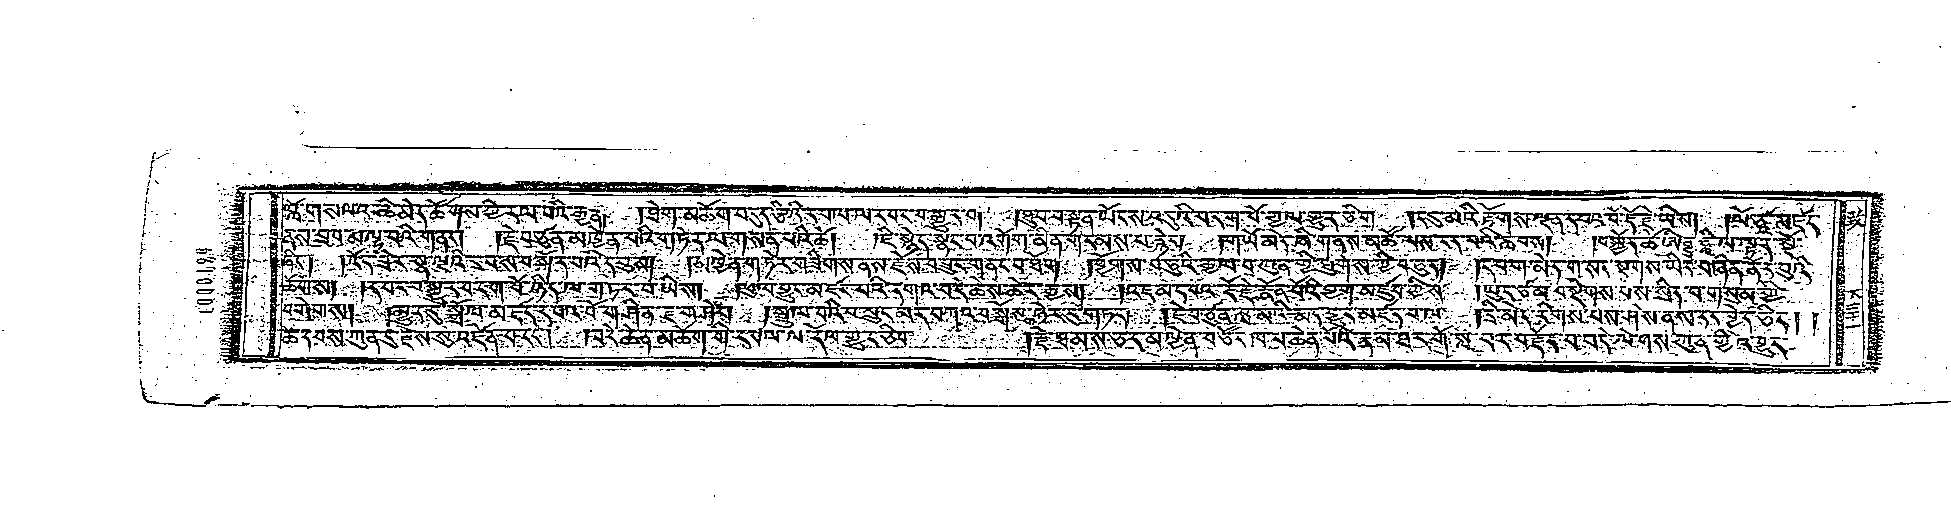བློ་གསལ་འཆི་མེད་ཚོགས་ཀྱི་རལ་པའི་རྒྱན། །ཐེག་མཆོག་བདུད་རྩིའི་དཔལ་ལ་དབང་བསྒྱུར་བ། །ཐུབ་བསྟན་ཡོངས་འདུའི་བདག་པོ་རྒྱལ་གྱུར་ཅིག །དབུ་མའི་རྟོགས་ལྡན་དཔའ་བོ་རྡོ་རྗེ་ཡིས། །ལོ་ཙཱ་མཛད་
ནས་བྲབ་མ་ལྟ་བའི་གནང་། །རྗེ་བཙུན་མཁྱེན་པའི་གཏེར་ལ་གསན་པའི་ཚེ། །ཇི་སྙེད་སྣང་བ་འགོག་མིན་གདམས་པ་རྙེད། །གཡོ་མེད་ཞི་གནས་མཚོ་ལས་དད་པའི་རླབས། །བསྐྱོད་ཚེ་ཨིནྡྲ་ནཱི་ལ་ལྟར་སྔོ་
ཞིང་། །འོད་ཟེར་སྣ་ལྔའི་དྲ་བས་བསྐོར་བའི་དབུས། །མཁྱེན་གཏེར་གཟིགས་ནས་རྗེས་བཟུང་གནང་བ་ཐོབ། །ཕྱོགས་བཅུའི་རྒྱལ་བ་ཀུན་གྱི་ཐུགས་ཀྱི་བ་ཅུད། །དཔག་མེད་གསང་སྔགས་ཡིད་བཞིན་ནོར་བུའི་
ཚོགས། །དབང་བསྒྱུར་བདག་པོ་ཉིད་ལ་གཏང་བ་ཡིས། །ཕུལ་བྱུང་མཛད་པའི་དགའ་བདེ་ཆེས་ཆེར་རྒྱས། །འཇམ་དཔའ་རྡོ་རྗེ་རྣོན་པོའི་ཕྱག་མཛུབ་ཀྱིས། །ཡུད་ཙམ་བསྡིགས་པས་སྲིད་པ་གསུམ་གྱི་
བགེགས། །མྱུར་དུ་སྒྲོལ་མཛད་དཔའ་བོ་གཤིན་རྗེ་གཤེད། །སྤྲུལ་བའི་བསྲུང་མར་བཀའ་བསྒོས་གཉེར་དུ་གཏང་། །རྗེ་བཙུན་བླ་མའི་རྨད་བྱུང་མཛད་པ་ལ་།དྲི་མེད་རིགས་པས་ཤེས་ནས་དང་བྱེད་ཅིང་། །
ཚེ་རབས་ཀུན་དུ་རྗེས་སུ་འཛིན་པ་དང་། །བདེ་ཆེན་མཆོག་གི་དཔལ་ལ་རོལ་གྱུར་ཅིག། །རྗེ་ཐམས་ཅད་མཁྱེན་བཙོང་ཁ་པ་ཆེན་པོའི་རྣམ་ཐར་གོ་སླ་བར་བརྗོད་པ་བདེ་ལེགས་ཀུན་གྱི་འབྱུང་